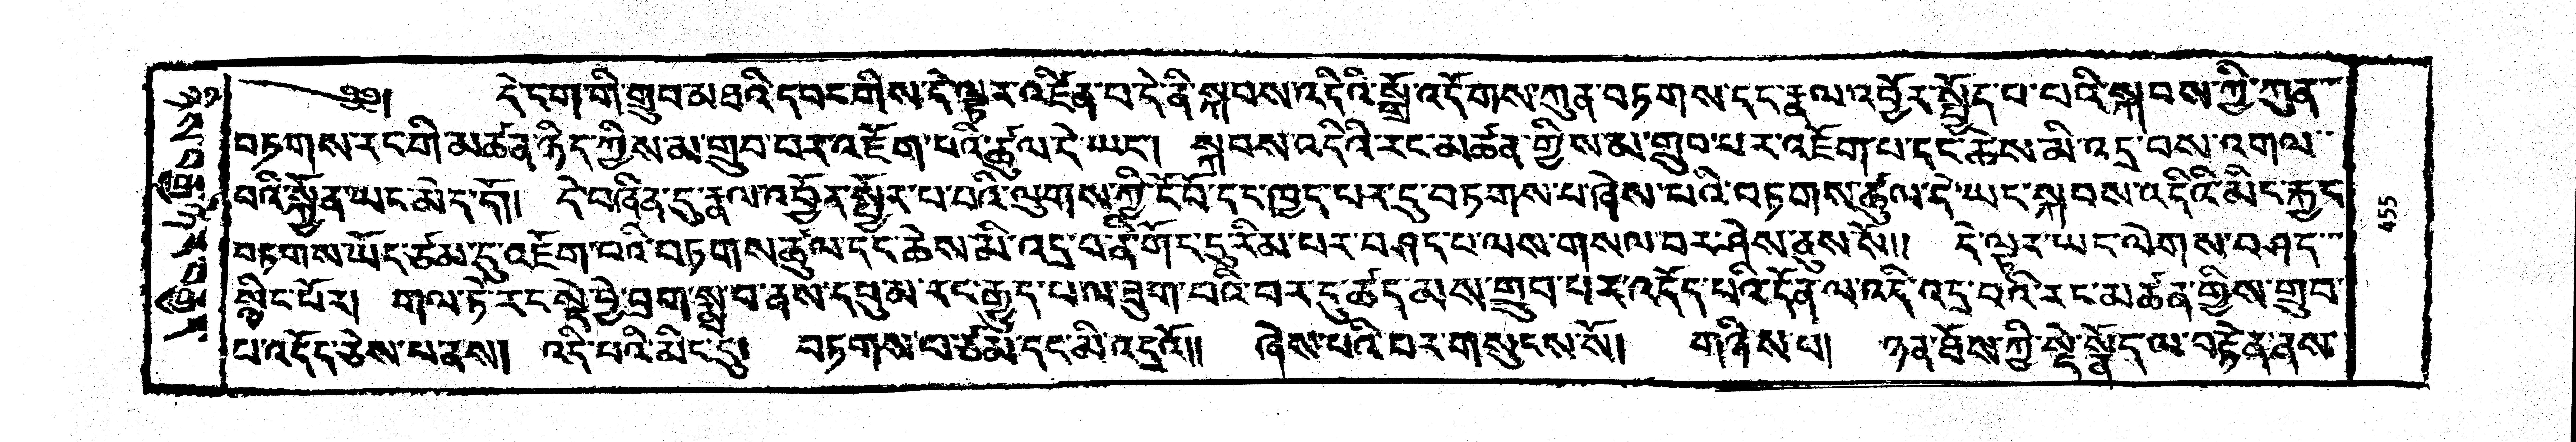༄༅། །དེ་དག་གི་གྲུབ་མཐའི་དབང་གིས་དེ་ལྟར་འཛིན་པ་དེ་ནི་སྐབས་འདིའི་སྒྲོ་འདོགས་ཀུན་བཏགས་དང་རྣལ་འབྱོར་སྤྱོད་པ་པའི་སྐབས་ཀྱི་ཀུན་
བཏགས་རང་གི་མཚན་ཉིད་ཀྱིས་མ་གྲུབ་པར་འཇོག་པའི་ཚུལ་དེ་ཡང་། སྐབས་འདིའི་རང་མཚན་གྱིས་མ་གྲུབ་པར་འཇོག་པ་དང་ཆེས་མི་འདྲ་བས་འགལ་
བའི་སྐྱོན་ཡང་མེད་དོ། །དེ་བཞིན་དུ་རྣལ་འབྱོར་སྤྱོར་བ་བའི་ལུགས་ཀྱི་ངོ་བོ་དང་ཁྱད་པར་དུ་བཏགས་པ་ཞེས་པའི་བཏགས་ཚུལ་དེ་ཡང་སྐབས་འདིའི་མིང་རྐྱང་
བཏགས་ཡོད་ཙམ་དུ་འཇོག་པའི་བཏགས་ཚུལ་དང་ཆེས་མི་འདྲ་བ་ནི་གོང་དུ་རིམ་པར་བཤད་པ་ལས་གསལ་བར་ཤེས་ནུས་སོ། །དེ་ལྟར་ཡང་ལེགས་བཤད་
སྙིང་པོར། གལ་ཏེ་རང་སྡེ་བྱེ་བྲག་སྨྲ་བ་ནས་དབུ་མ་རང་རྒྱུད་པ་ལ་ཟུག་པའི་བར་དུ་ཚད་མས་གྲུབ་པར་འདོད་པའི་དོན་ལ་འདི་འདྲ་བའི་རང་མཚན་གྱིས་གྲུབ་
པ་འདོད་ཅེས་པ་ནས། འདི་པའི་མིང་དུ། བཏགས་པ་ཙམ་དང་མི་འདྲའོ། །ཞེས་པའི་བར་གསུངས་སོ། །གཉིས་པ། ཉན་ཐོས་ཀྱི་སྡེ་སྣོད་ལ་བརྟེན་ནས་